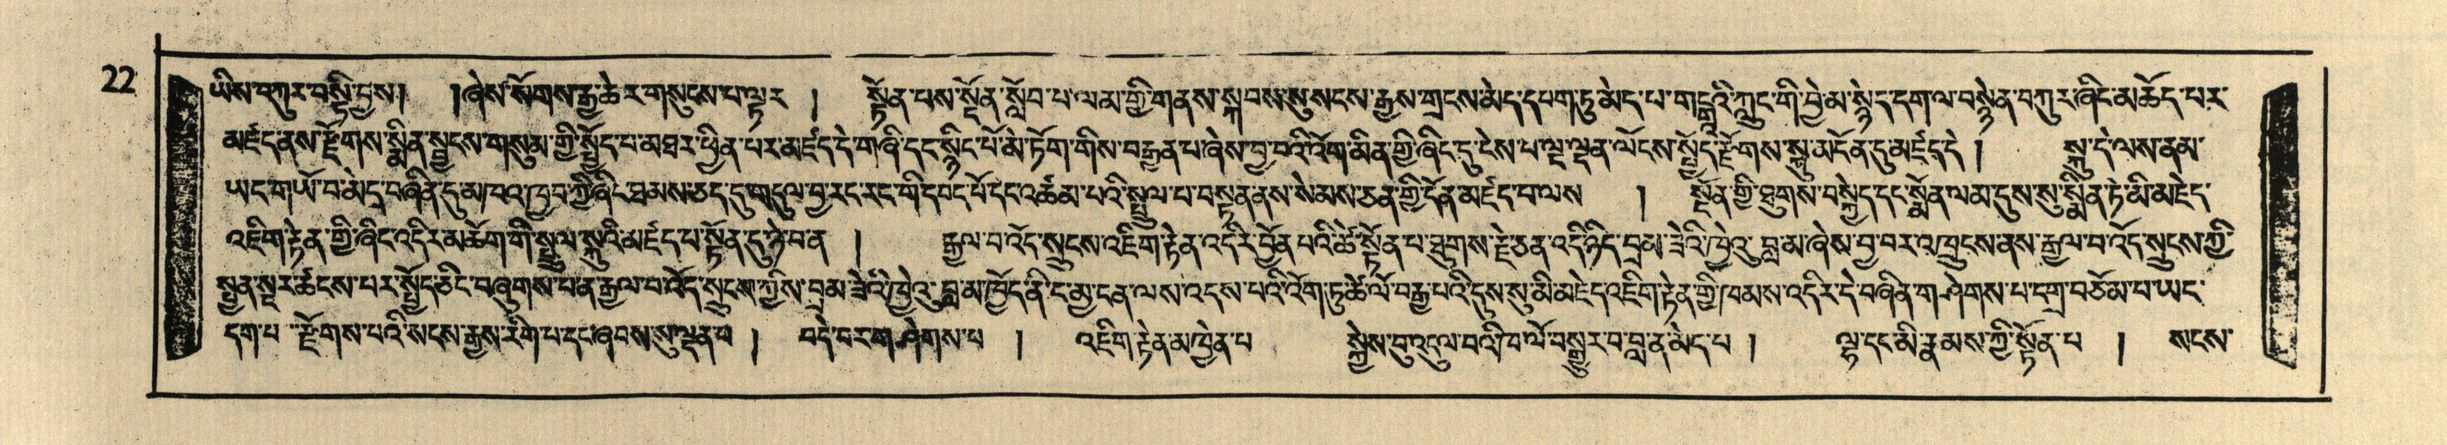ཡིས་བཀུར་བསྟི་བྱས། །ཞེས་སོགས་རྒྱ་ཆེར་གསུངས་པ་ལྟར། སྟོན་པས་སྔོན་སློབ་པ་ལམ་གྱི་གནས་སྐབས་སུ་སངས་རྒྱས་གྲངས་མེད་དཔག་ཏུ་མེད་པ་གངྒའི་ཀླུང་གི་བྱེ་མ་སྙེད་དག་ལ་བསྙེན་བཀུར་ཞིང་མཆོད་པར་
མཛད་ནས་རྫོགས་སྨིན་སྦྱངས་གསུམ་གྱི་སྤྱོད་པ་མཐར་ཕྱིན་པར་མཛད་དེ་བཞི་དང་སྙིང་པོ་མེ་ཏོག་གིས་བརྒྱན་པ་ཞེས་བྱ་བའི་འོག་མིན་གྱི་ཞིང་དུ་ངེས་པ་ལྔ་ལྡན་ལོངས་སྤྱོད་རྫོགས་སྐུ་མངོན་དུ་མཛད་དོ་། སྐུ་དེ་ལས་ནམ་
ཡང་གཡོ་བ་མེད་བཞིན་དུ་མཁའ་ཁྱབ་ཀྱི་ཞིང་ཐམས་ཅད་དུ་གདུལ་བྱ་རང་རང་གི་དབང་པོ་དང་འཚམ་པའི་སྤྲུལ་པ་བསྟན་ནས་སེམས་ཅན་གྱི་དོན་མཛད་པ་ལས་། སྔོན་གྱི་ཐུགས་བསྐྱེད་དང་སྨོན་ལམ་དུས་སུ་སྨིན་ཏེ་མི་མཇེད་
འཇིག་རྟེན་གྱི་ཞིང་འདིར་མཆོག་གི་སྤྲུལ་སྐུའི་མཛད་པ་སྟོན་དུ་ཉེ་བ་ན་། རྒྱལ་བ་འོད་སྲུངས་འཇིག་རྟེན་འདིར་བྱོན་པའི་ཚེ་སྟོན་པ་ཐུགས་རྗེ་ཅན་འདི་ཉིད་བྲམ་ཟེའི་ཁྱེའུ་བླ་མ་ཞེས་བྱ་བར་འཁྲུངས་ནས་རྒྱལ་བ་འོད་སྲུངས་ཀྱི་
སྤྱན་སྔར་ཚངས་པར་སྤྱོད་ཅིང་བཞུགས་པ་ན་རྒྱལ་བ་འོད་སྲུངས་ཀྱིས་བྲམ་ཟེའི་ཁྱེའུ་བླ་མ་ཁྱོད་ནི་ང་མྱ་ངན་ལས་འདས་པའི་འོག་ཏུ་ཚེ་ལོ་བརྒྱ་པའི་དུས་སུ་མི་མཇེད་འཇིག་རྟེན་གྱི་ཁམས་འདིར་དེ་བཞིན་གཤེགས་པ་དགྲ་བཅོམ་པ་ཡང་
དག་པ་རྫོགས་པའི་སངས་རྒྱས་རིག་པ་དང་ཞབས་སུ་ལྡན་པ་། བདེ་བར་གཤེགས་པ་། འཇིག་རྟེན་མཁྱེན་པ་སྐྱེས་བུ་འདུལ་བའི་ཁ་ལོ་བསྒྱུར་བ་བླ་ན་མེད་པ་། ལྷ་དང་མི་རྣམས་ཀྱི་སྟོན་པ་། སངས་